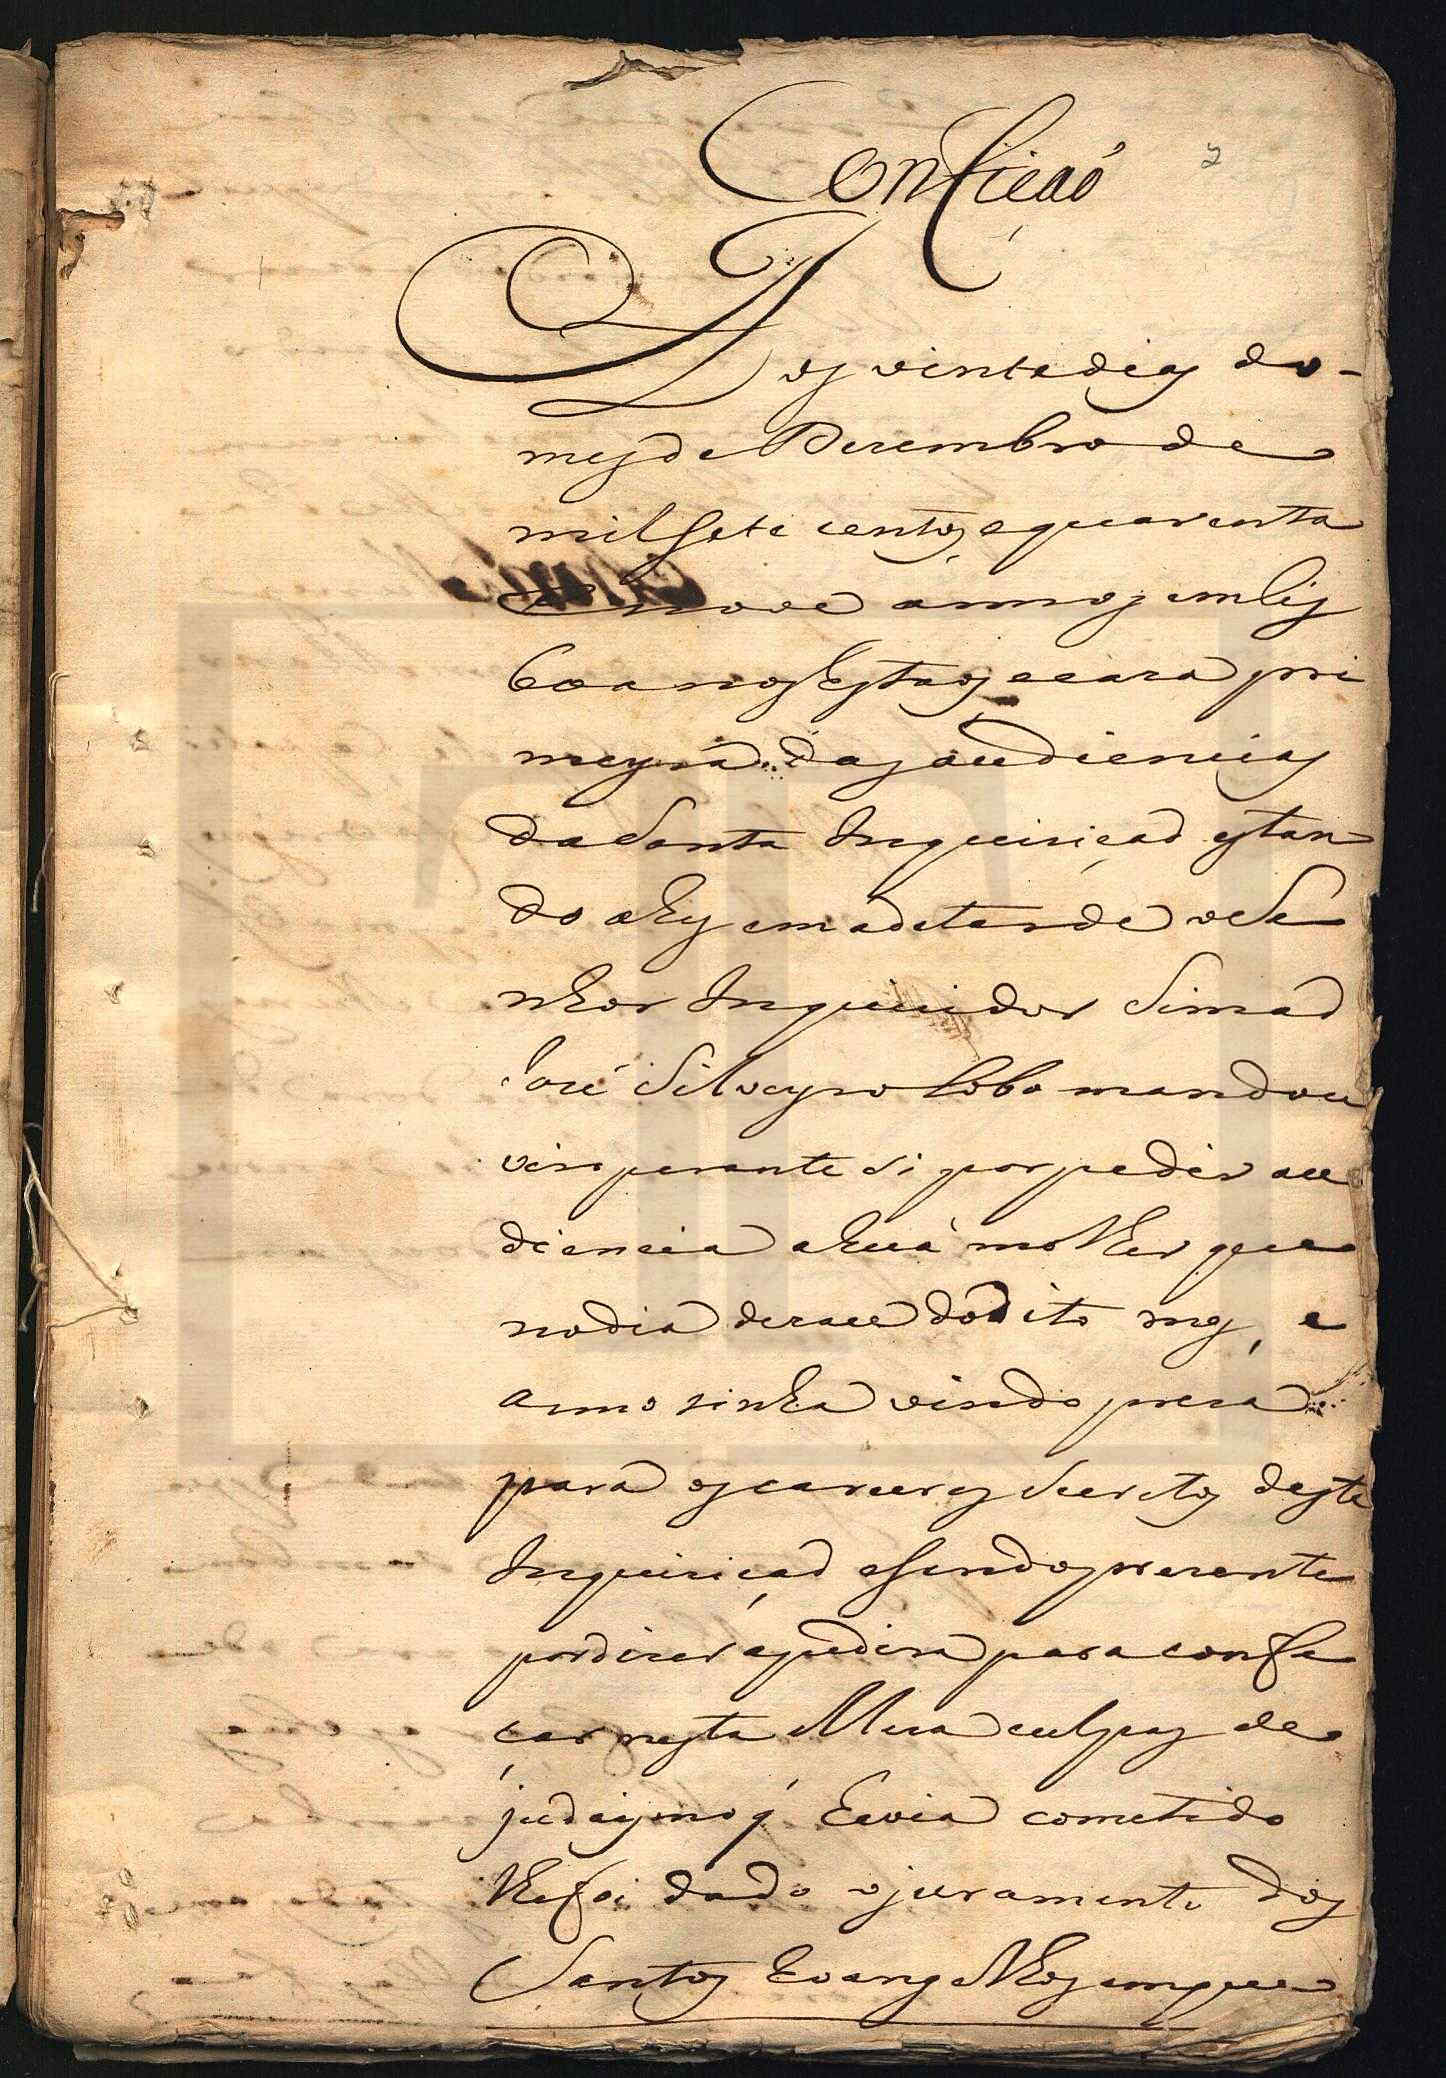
Confiçaõ
Aos vinte dias do
mes de Dezembro de
mil setecentos e quarenta
e nove annos em lis
boa nos Estaos e caza pri
meyra das audiencias
da Santa Inquiziçaõ estan
do ahy em a de tarde o Se
nhor Inquizidor Simaõ
Iozé Silveyro Lobo mandou
vir perante si por pedir au
diencia a huā molher que
no dia dezace do dito mes, e
como tinha vindo preza
para os carceres secretos deste
Inquiziçaõ e sendo prezente
por dizer a pedira para confe
çar nesta Meza culpas de
judaismo q̄ havia cometido
lhe foi dado o juramento dos
Santos Evangelhos em que
